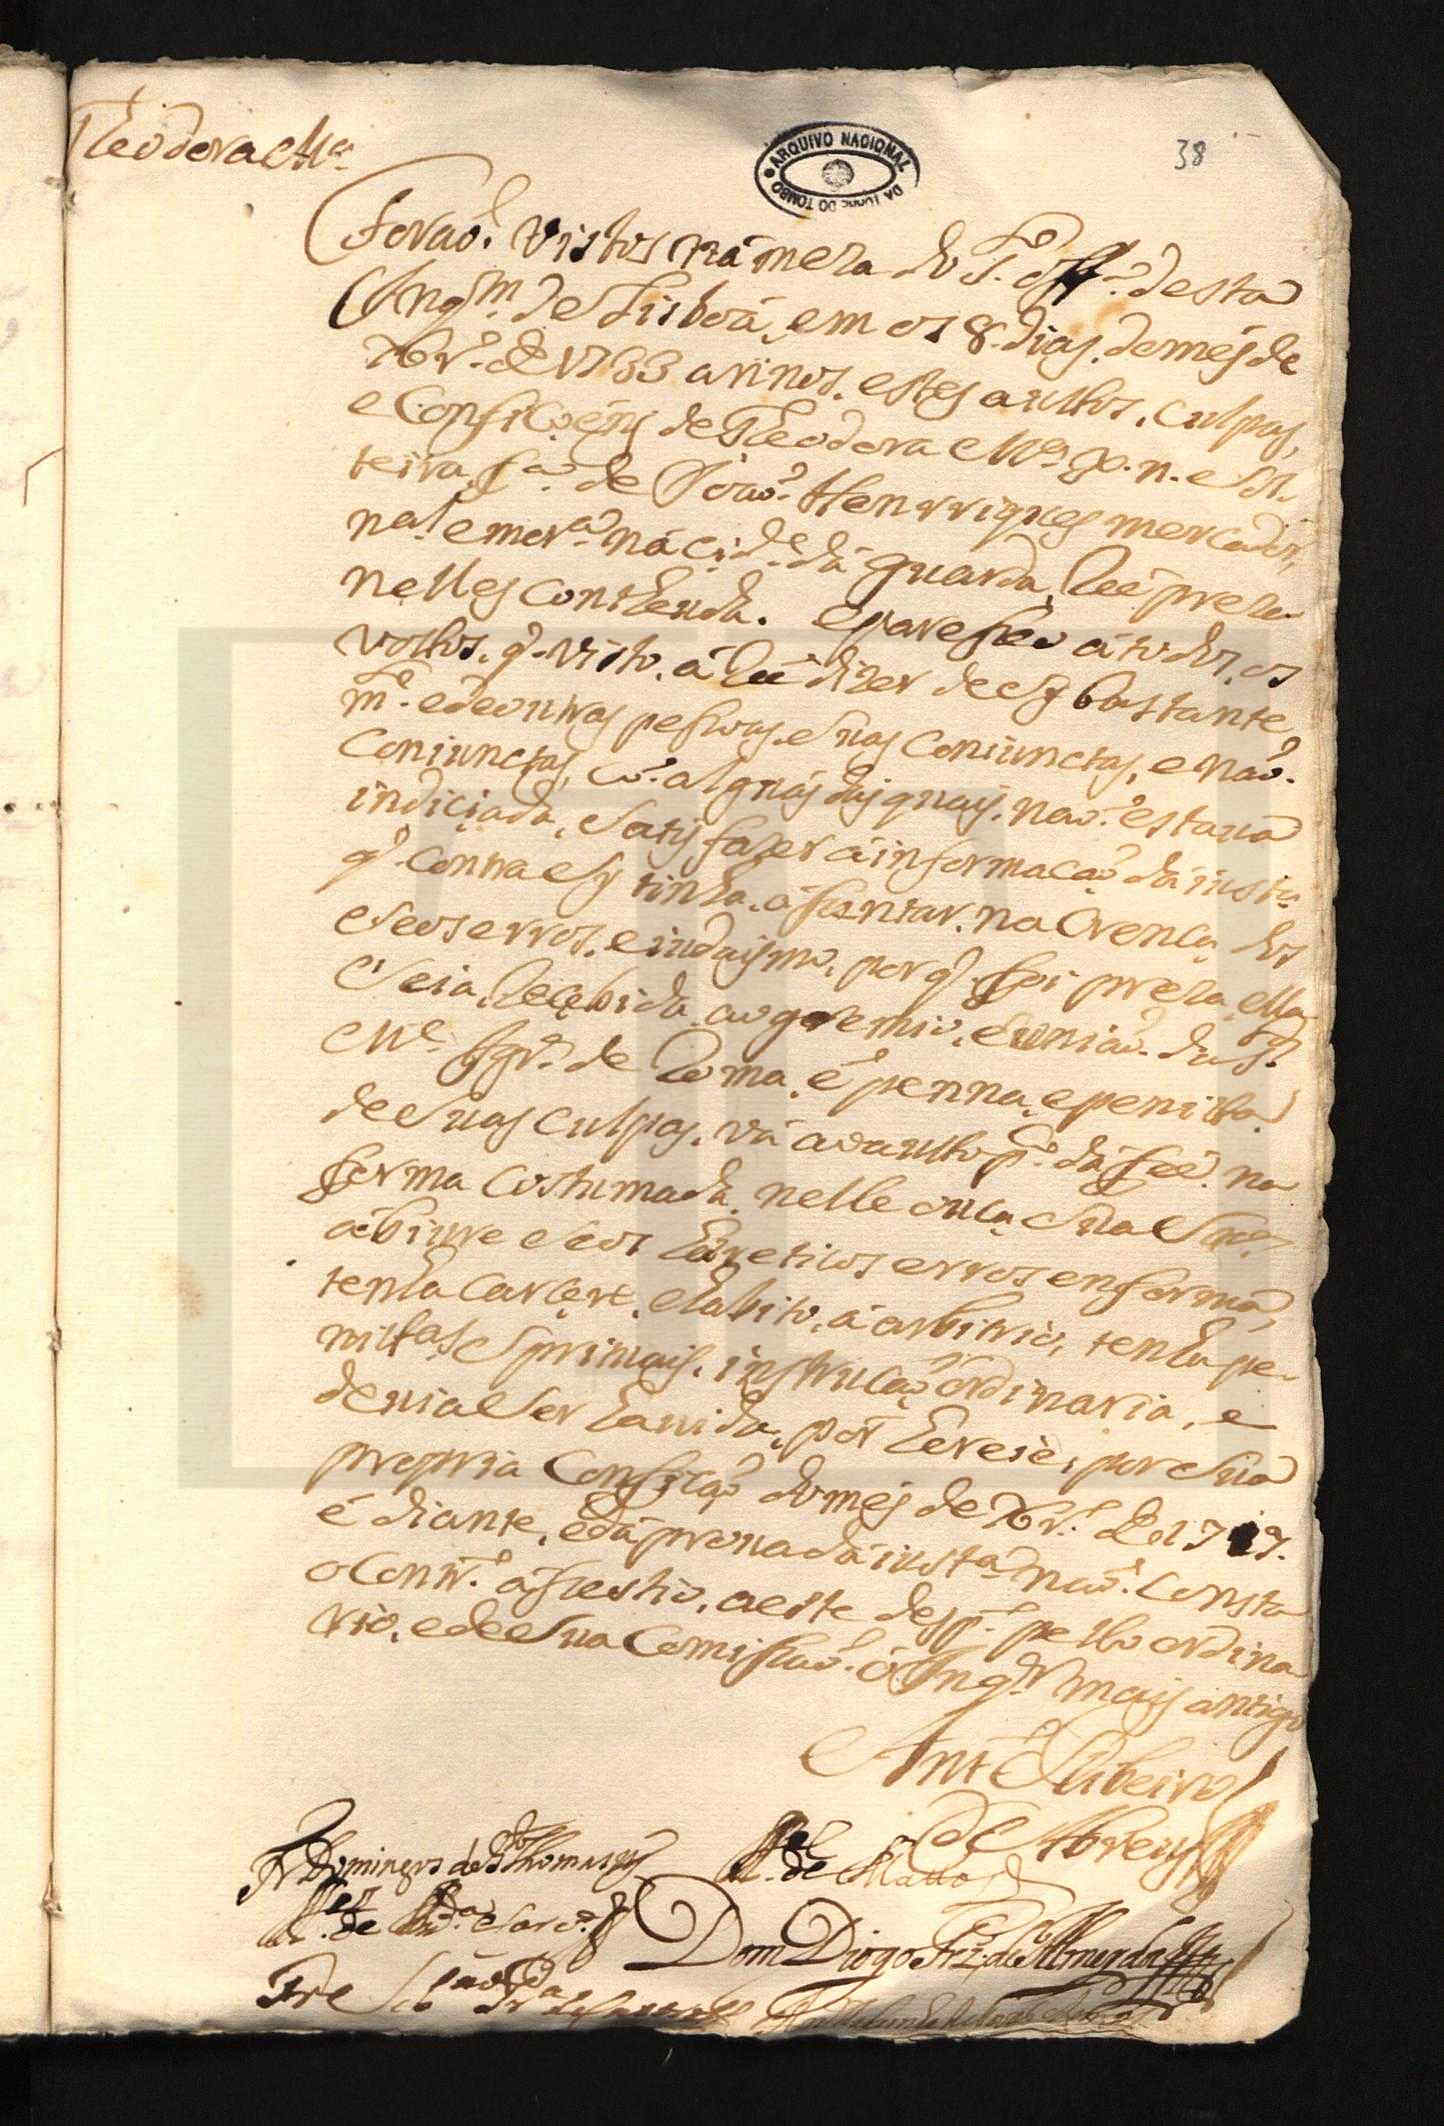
Theodora Ma.
Foraõ vistos na meza do s.to offo. desta
Inq.m de Lisboa, em os 8. dias. do més de
7br.o d̄ 1733 annos. estes auttos, culpas
e Consiçoẽns de Theodora M.a x. n. sol
teira fa. de Ioaõ. Henrriques mercador,
na.l e mora. na cid.e da Guarda, Ree preza
nelles contheuda. E paresseo a todos os
vottos, q̄ visto, á Ree dizer de sy bastante
m.te e de outras pessoas suas coniunctas, e naõ
coniuctas, cō alguās dis quais. naõ. estaua
indiciada, e satisfazer á informaçaõ dá insta
q̄ contra sy tinha. asuntar. na Crença dos
e seos erros. e iudaismo, porq̄ foi preza ella
seia Recebida ao gremio. E uniaõ da s.ta
Me. Jgr.a de Roma. e penna, e penitta.
de suas culpas, vá ao autto p.co da fee na
forma costumada. nelle ouça sua Sn.ca
abiure seos hereticos erros en forma,
tenha carcere, e habito, á arbitrio, tenha pe
nittas. spirituais. instruçaõ ordinaria, e
deuia ser hauida, por hereie, por Sua
propria Confiçaõ do mes de Xr.o de 17_7.
ē diante, e da proua da iusta naõ consta
o Contr.o assestio, a este desp.o pello ordina
rio, e de sua comissaõ. o Inq.or mais antigo
Anto Ribeiro
de Abreu
Fr Domingos de Sto Thomas Mel de Mattos
M.el de Alm.da e Carv.o
Dom Diogo Frz̄ de Almeyda
Fr Sebao Pr.a de Castro
